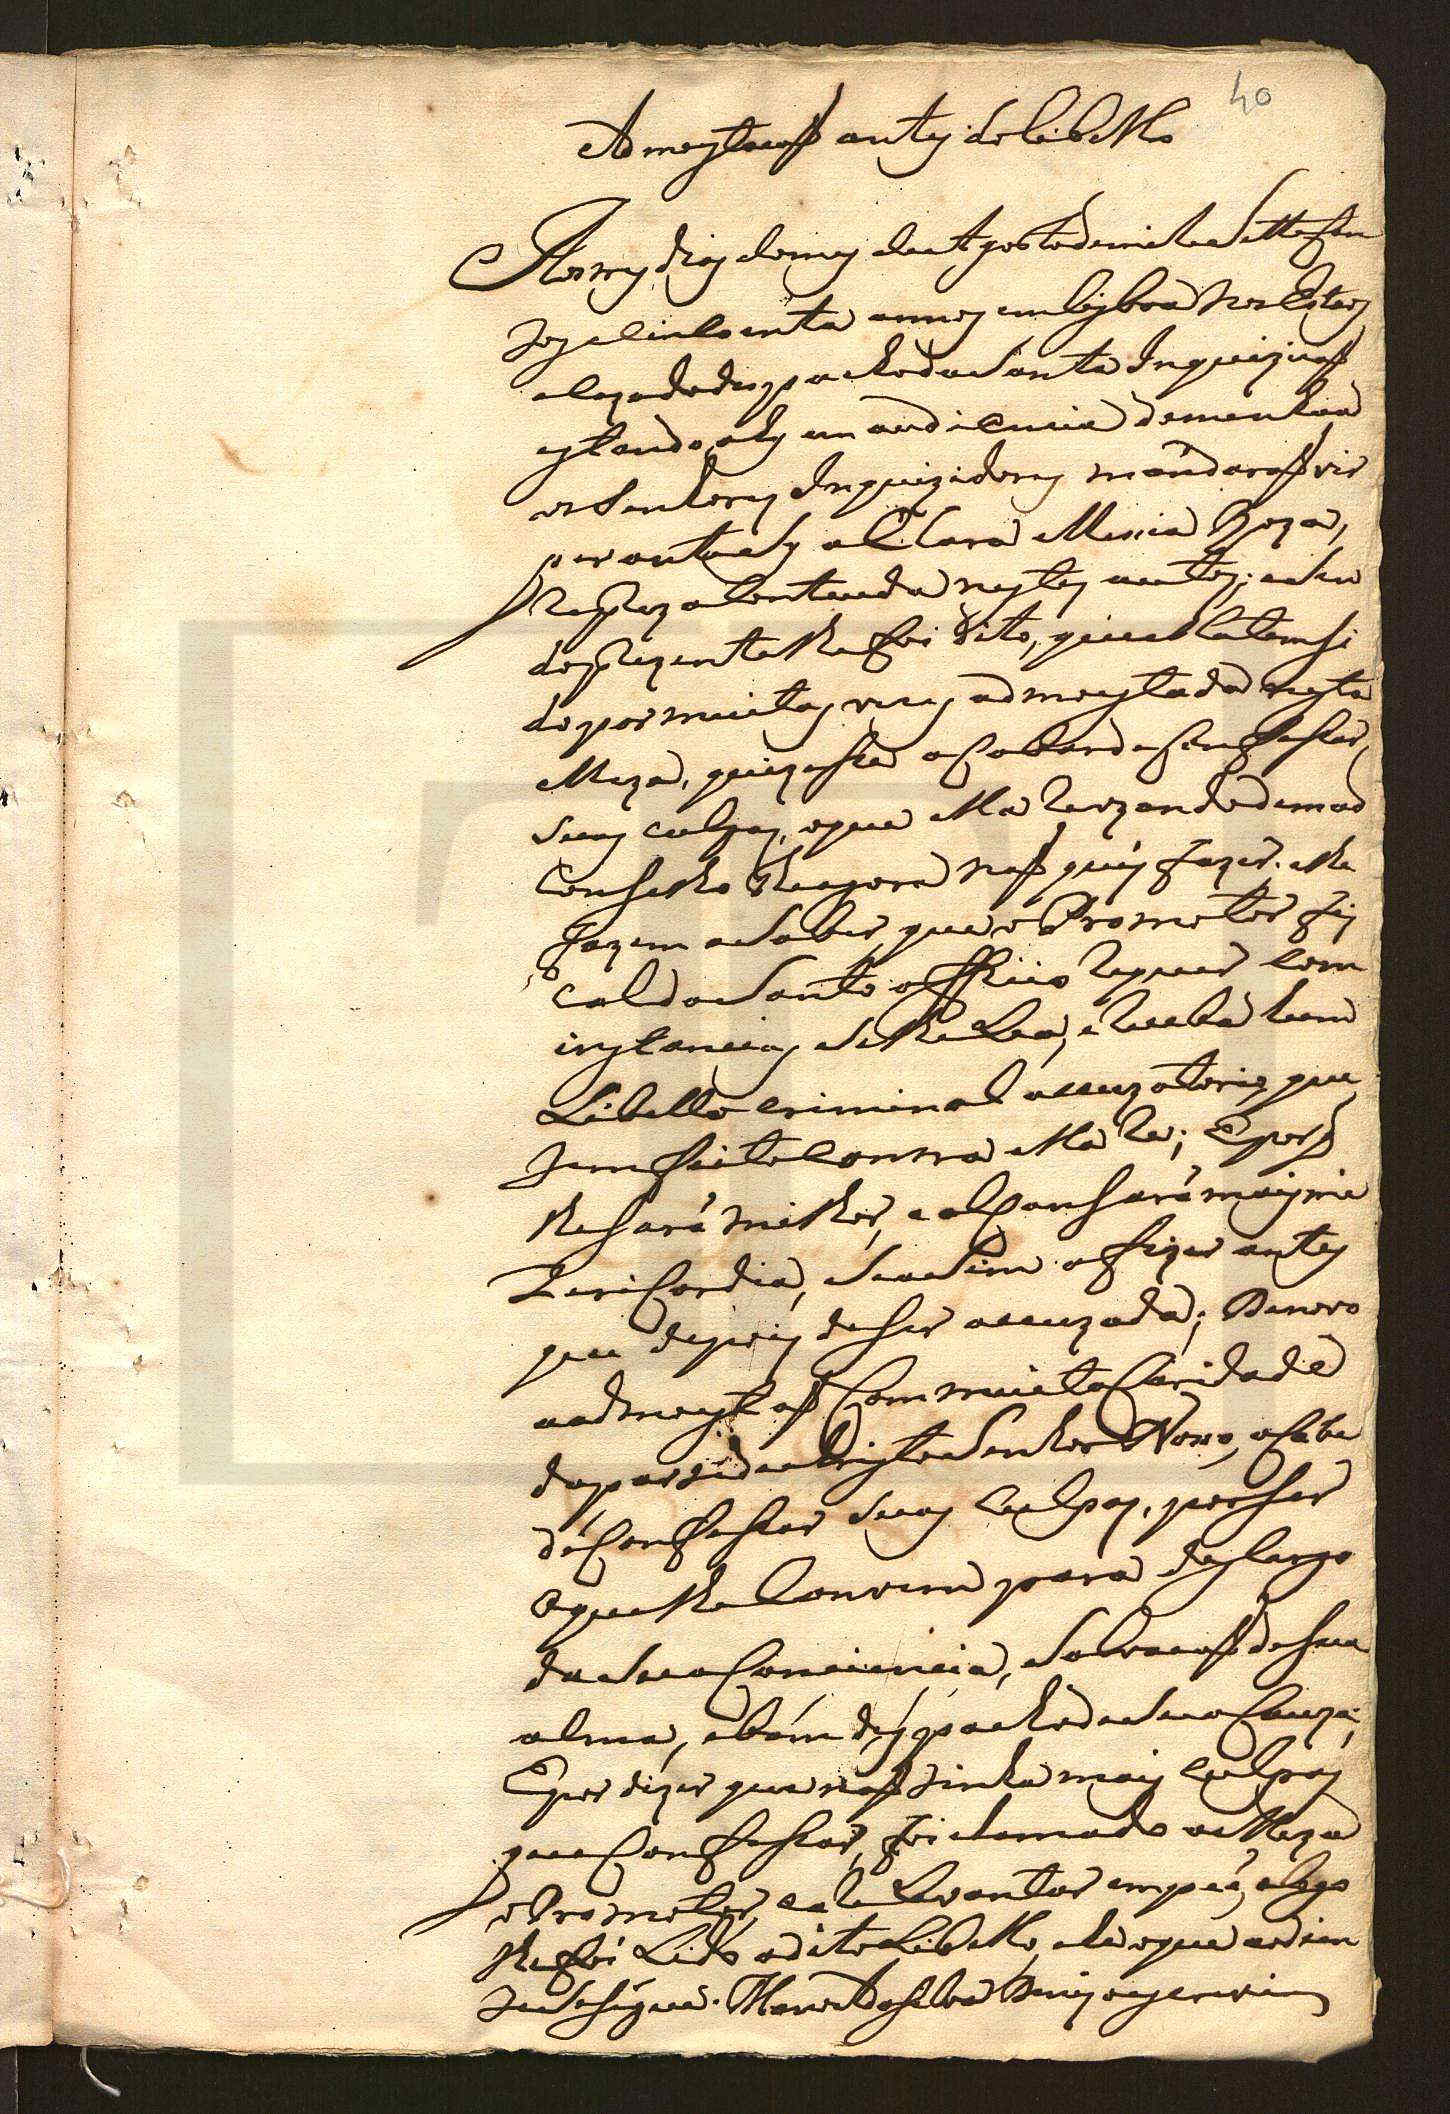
Admoestacaõ antes do libello
Aos tres dias do mes de Agosto de mil SeteCen
tos e cincoenta annos em Lisboa nos Estaos
e caza do despacho da Santa Inquiziçaõ
estando ahy em audiencia de menhaã
os Senhores Inquizidores mandaraõ vir
perante Sy a Clara Mersia Roza,
Re preza Conteuda nestes autos; e Sen
do prezente lhe foi dito, que ella tem si
do por muitas vezes admoestada nesta
Meza, quizesse aCabar de Confessar
Suas culpas, o que ella Revzando de maó
Conselho the agora naõ quis fazer. e lhe
fazem a Saber que o Promotor fis
cal do Santo officio Requer com
instancias se lhe Lea, e Receba hum
Libello criminal accuzatorio, que
tem feito contra ella Re; E porq̄
lhe fará milhor, e alCansará mais mi
ZeriCordia, Se aSim o fizer antes
que depois de ser accuzada; De novo
a admoestaõ Com muita Caridade
do parte de christo Senhor Nosso, aCabe
de Confessar suas Culpas, por ser
o que lhe Convem para descargo
da Sua Comciençia, Salvaçaõ da sua
alma, e bóm despacho da Sua Cauza;
E por dizer que naõ tinha mais culpas
que Confessar, foi chamado a Meza
o Promotor, e a Re Levantar em peé, e logo
lhe foi Lido o dito Libello, e he o que ao dian
te Se ségue. Manoel da silva Denis o escrevi
